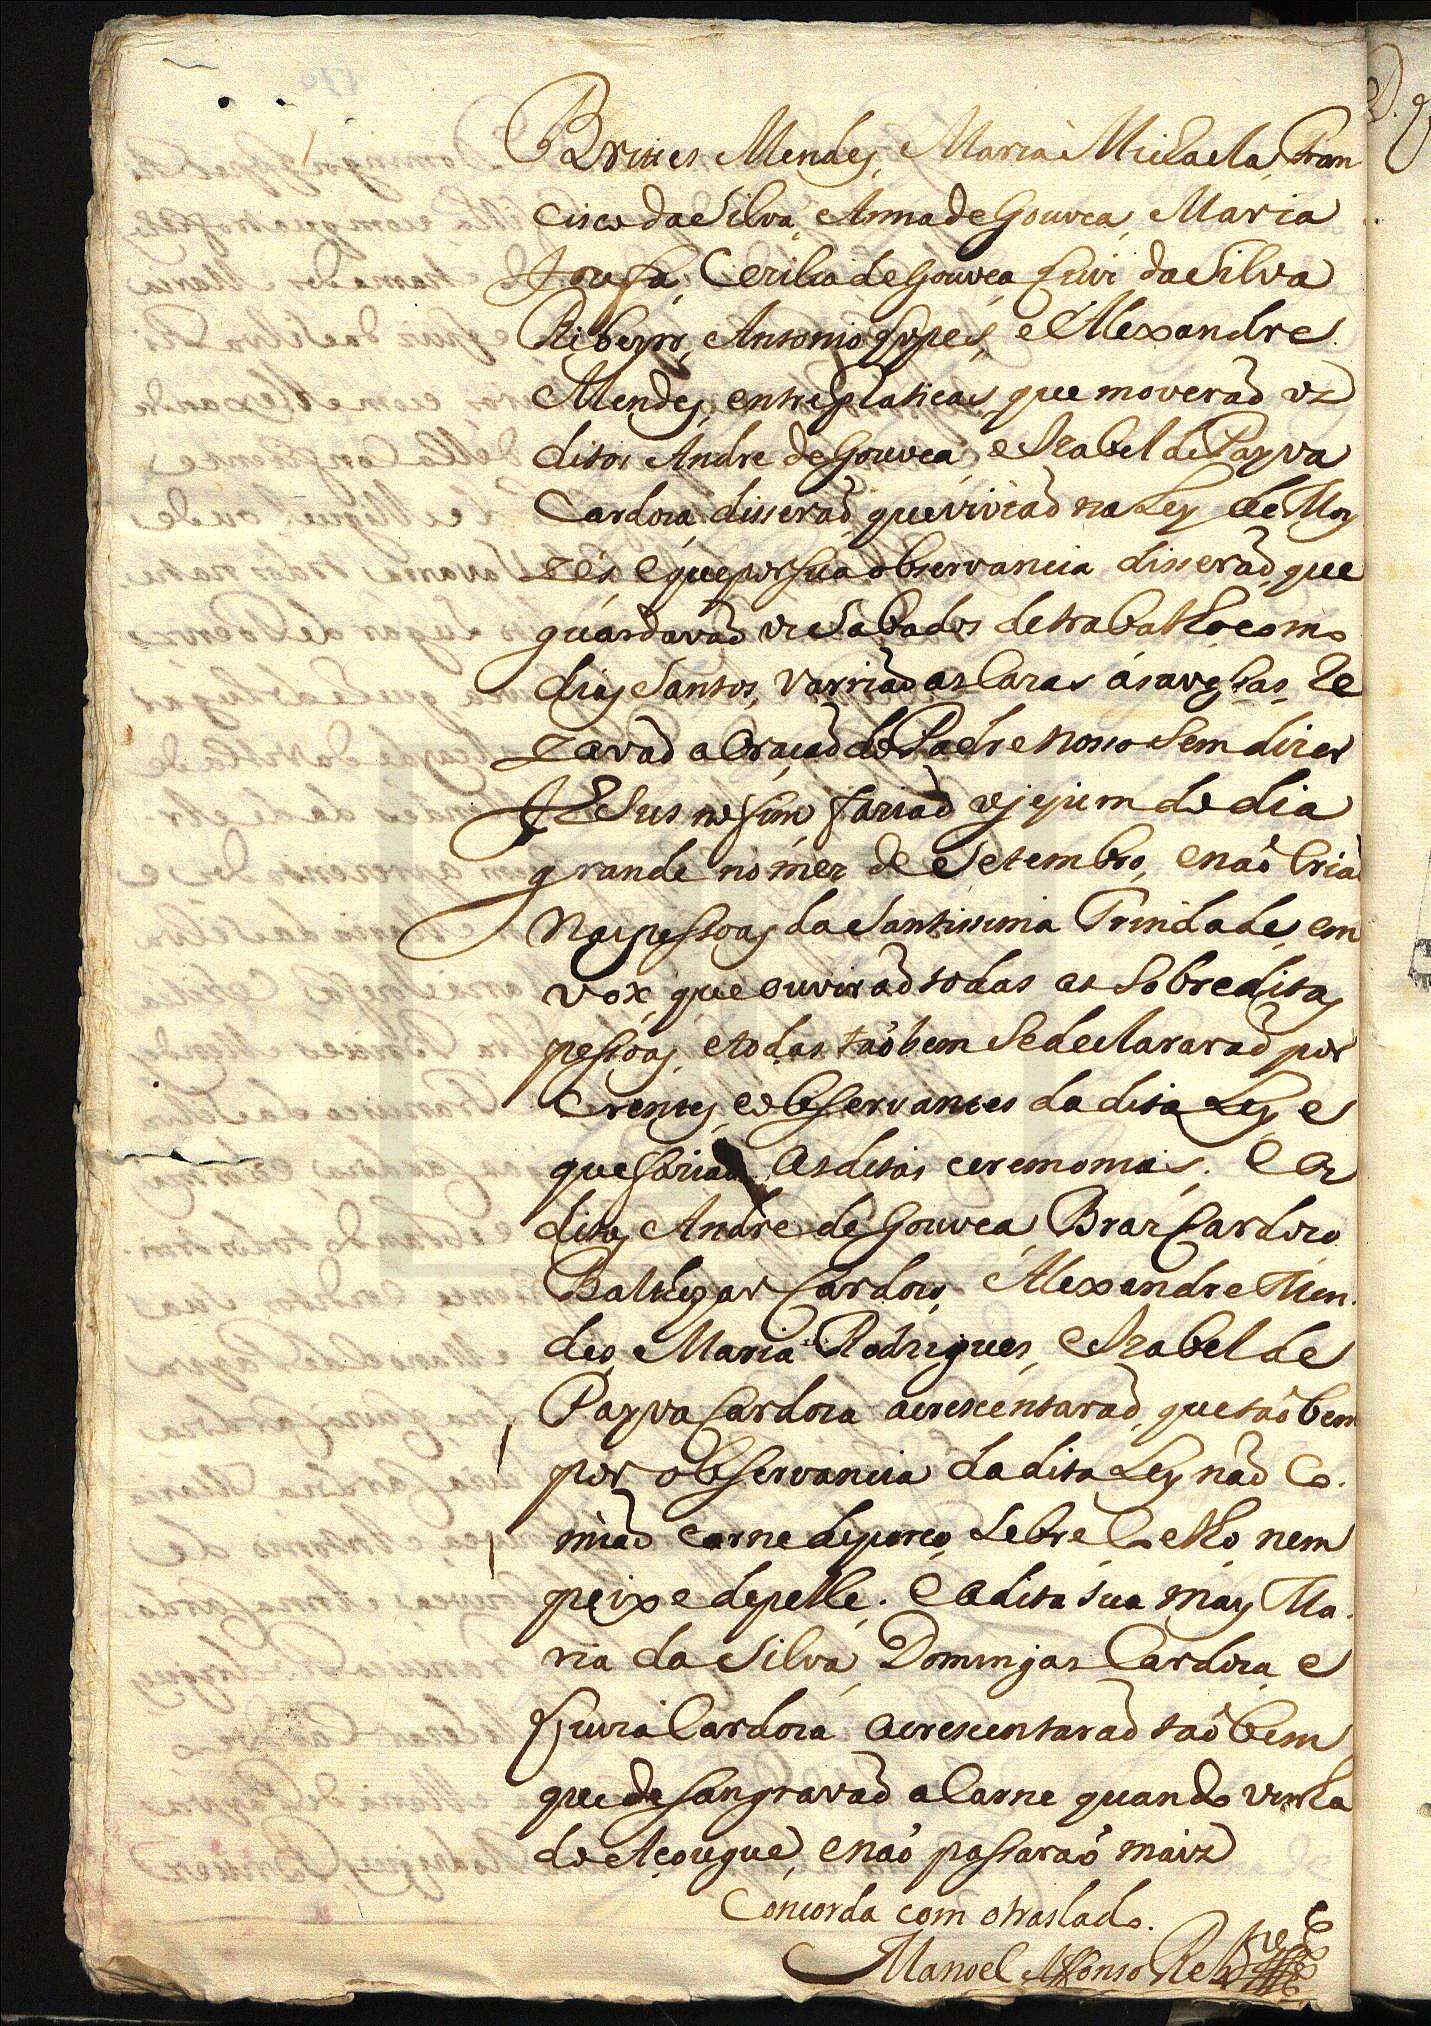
Brittes Mendes, Maria Michaela, Fran
cisco da Silva, Anna de Gouvea, Maria
Jozefa, Cezilia de Gouvea, Luiz da Silva
Ribeyro, Antonio Lopes, e Alexandre
Mendes, entre praticas que moveraõ oz
ditos Andre de Gouvea, e Izabel de Payva
Cardoza, disseraõ que viviaõ na Ley de Moy
zés, e que por sua observancia disseraõ, que
guardavaõ os Sabados de trabalho como
dias Santos, varriaõ as cazas ás avessas, Re
zavaõ a Oraçaõ do Padre nosso sem dizer
JESus no fim, faziaõ o jejum do dia
grande no mez de Setembro, e naõ Cria_
nas pessoas da Santissima Trindade, em
vox, que ouviraõ todas as sobreditas
pessoas, e todas taõbem se declararaõ por
crentes, e observantes da dita Ley e
que faziao as ditas ceremonias; e os
ditos Andre de Gouvea, Braz Cardozo,
Balthezar Cardozo, Alexandre Men
des, Maria Rodrigues, e Izabel de
Payva Cardoza acrescentaraõ, que taõbem
por observancia da dita Ley não co
mião carne de porco, Lebre, Coelho, nem
peixe de pelle; e a dita sua may Ma
ria da Silva, Domingas Cardoza, e
Luiza Cardoza acrescentaraõ taõbem
que desangravão a Carne quando vinha
do Açougue, e naõ passaraõ maiz
Concorda com o traslado.
